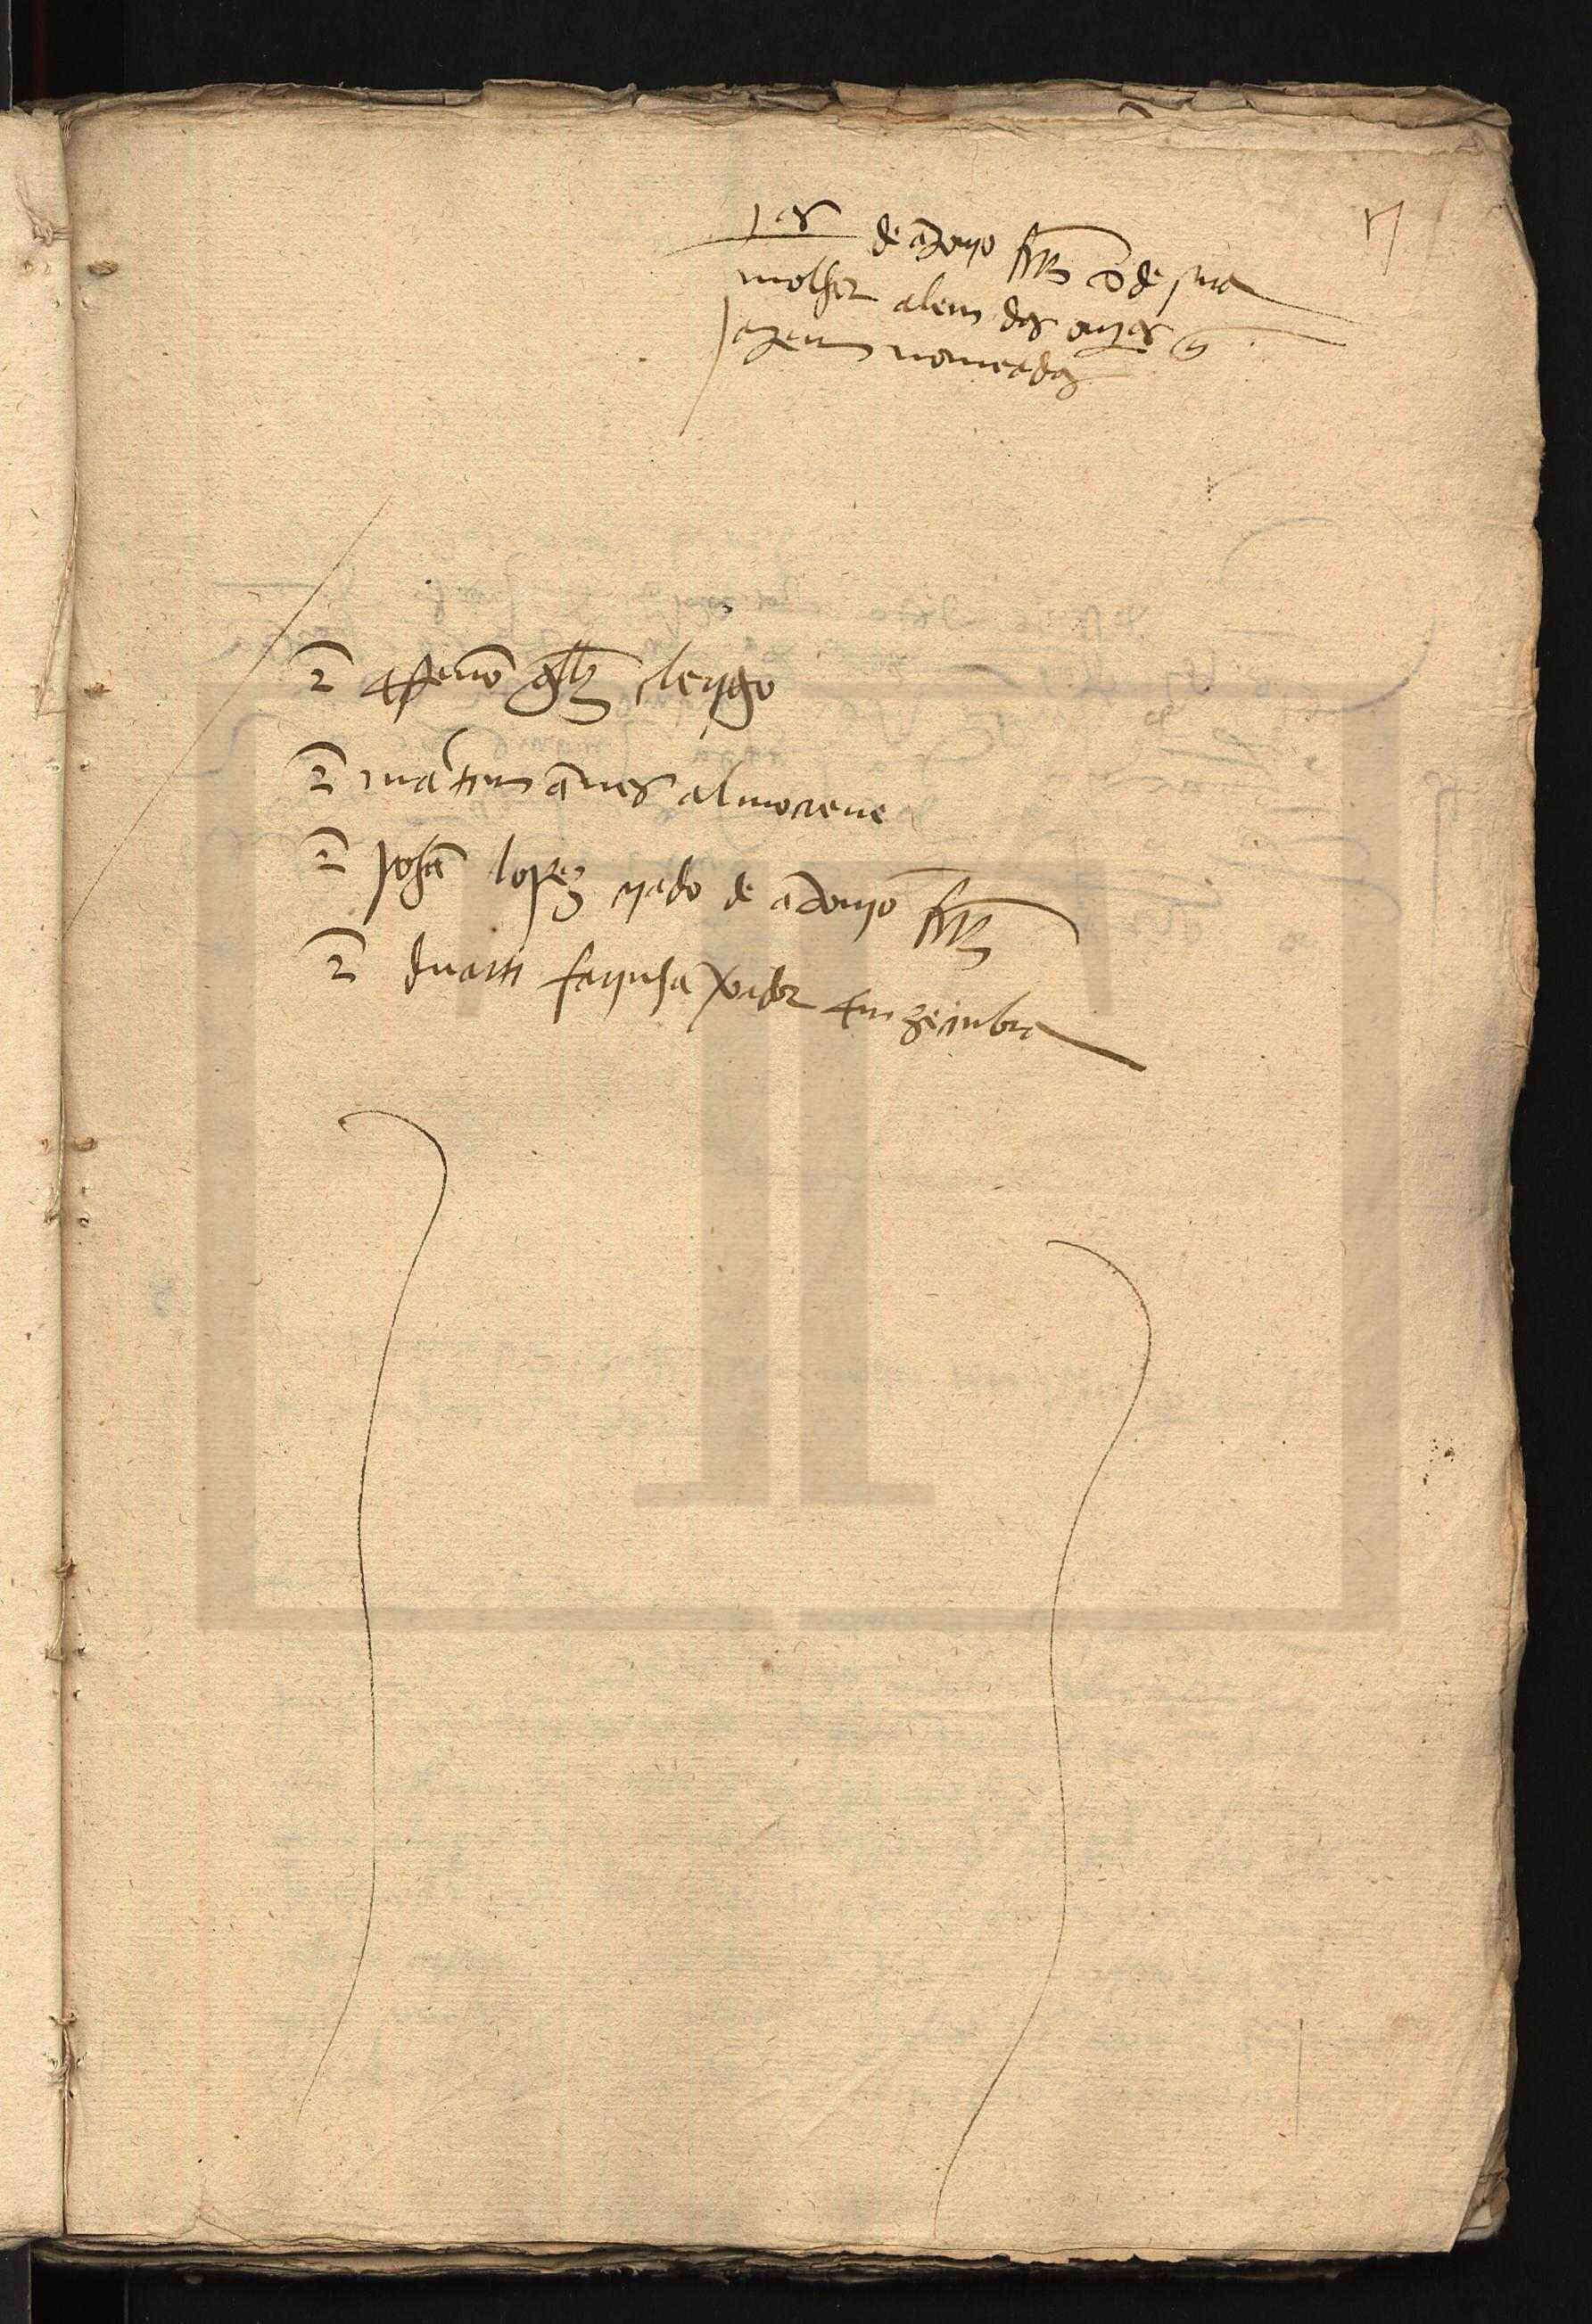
tas de ātonjo fr̄rz e de sua
molher alem das outas q̄
Ja tem nomeadas
item Esteūo ḡllz clerjgo
item mātim ānes almocreue
item Johā lopez crjado de ātonjo fr̄rz
item duarte farjnha ꝟador Em zecinbra
